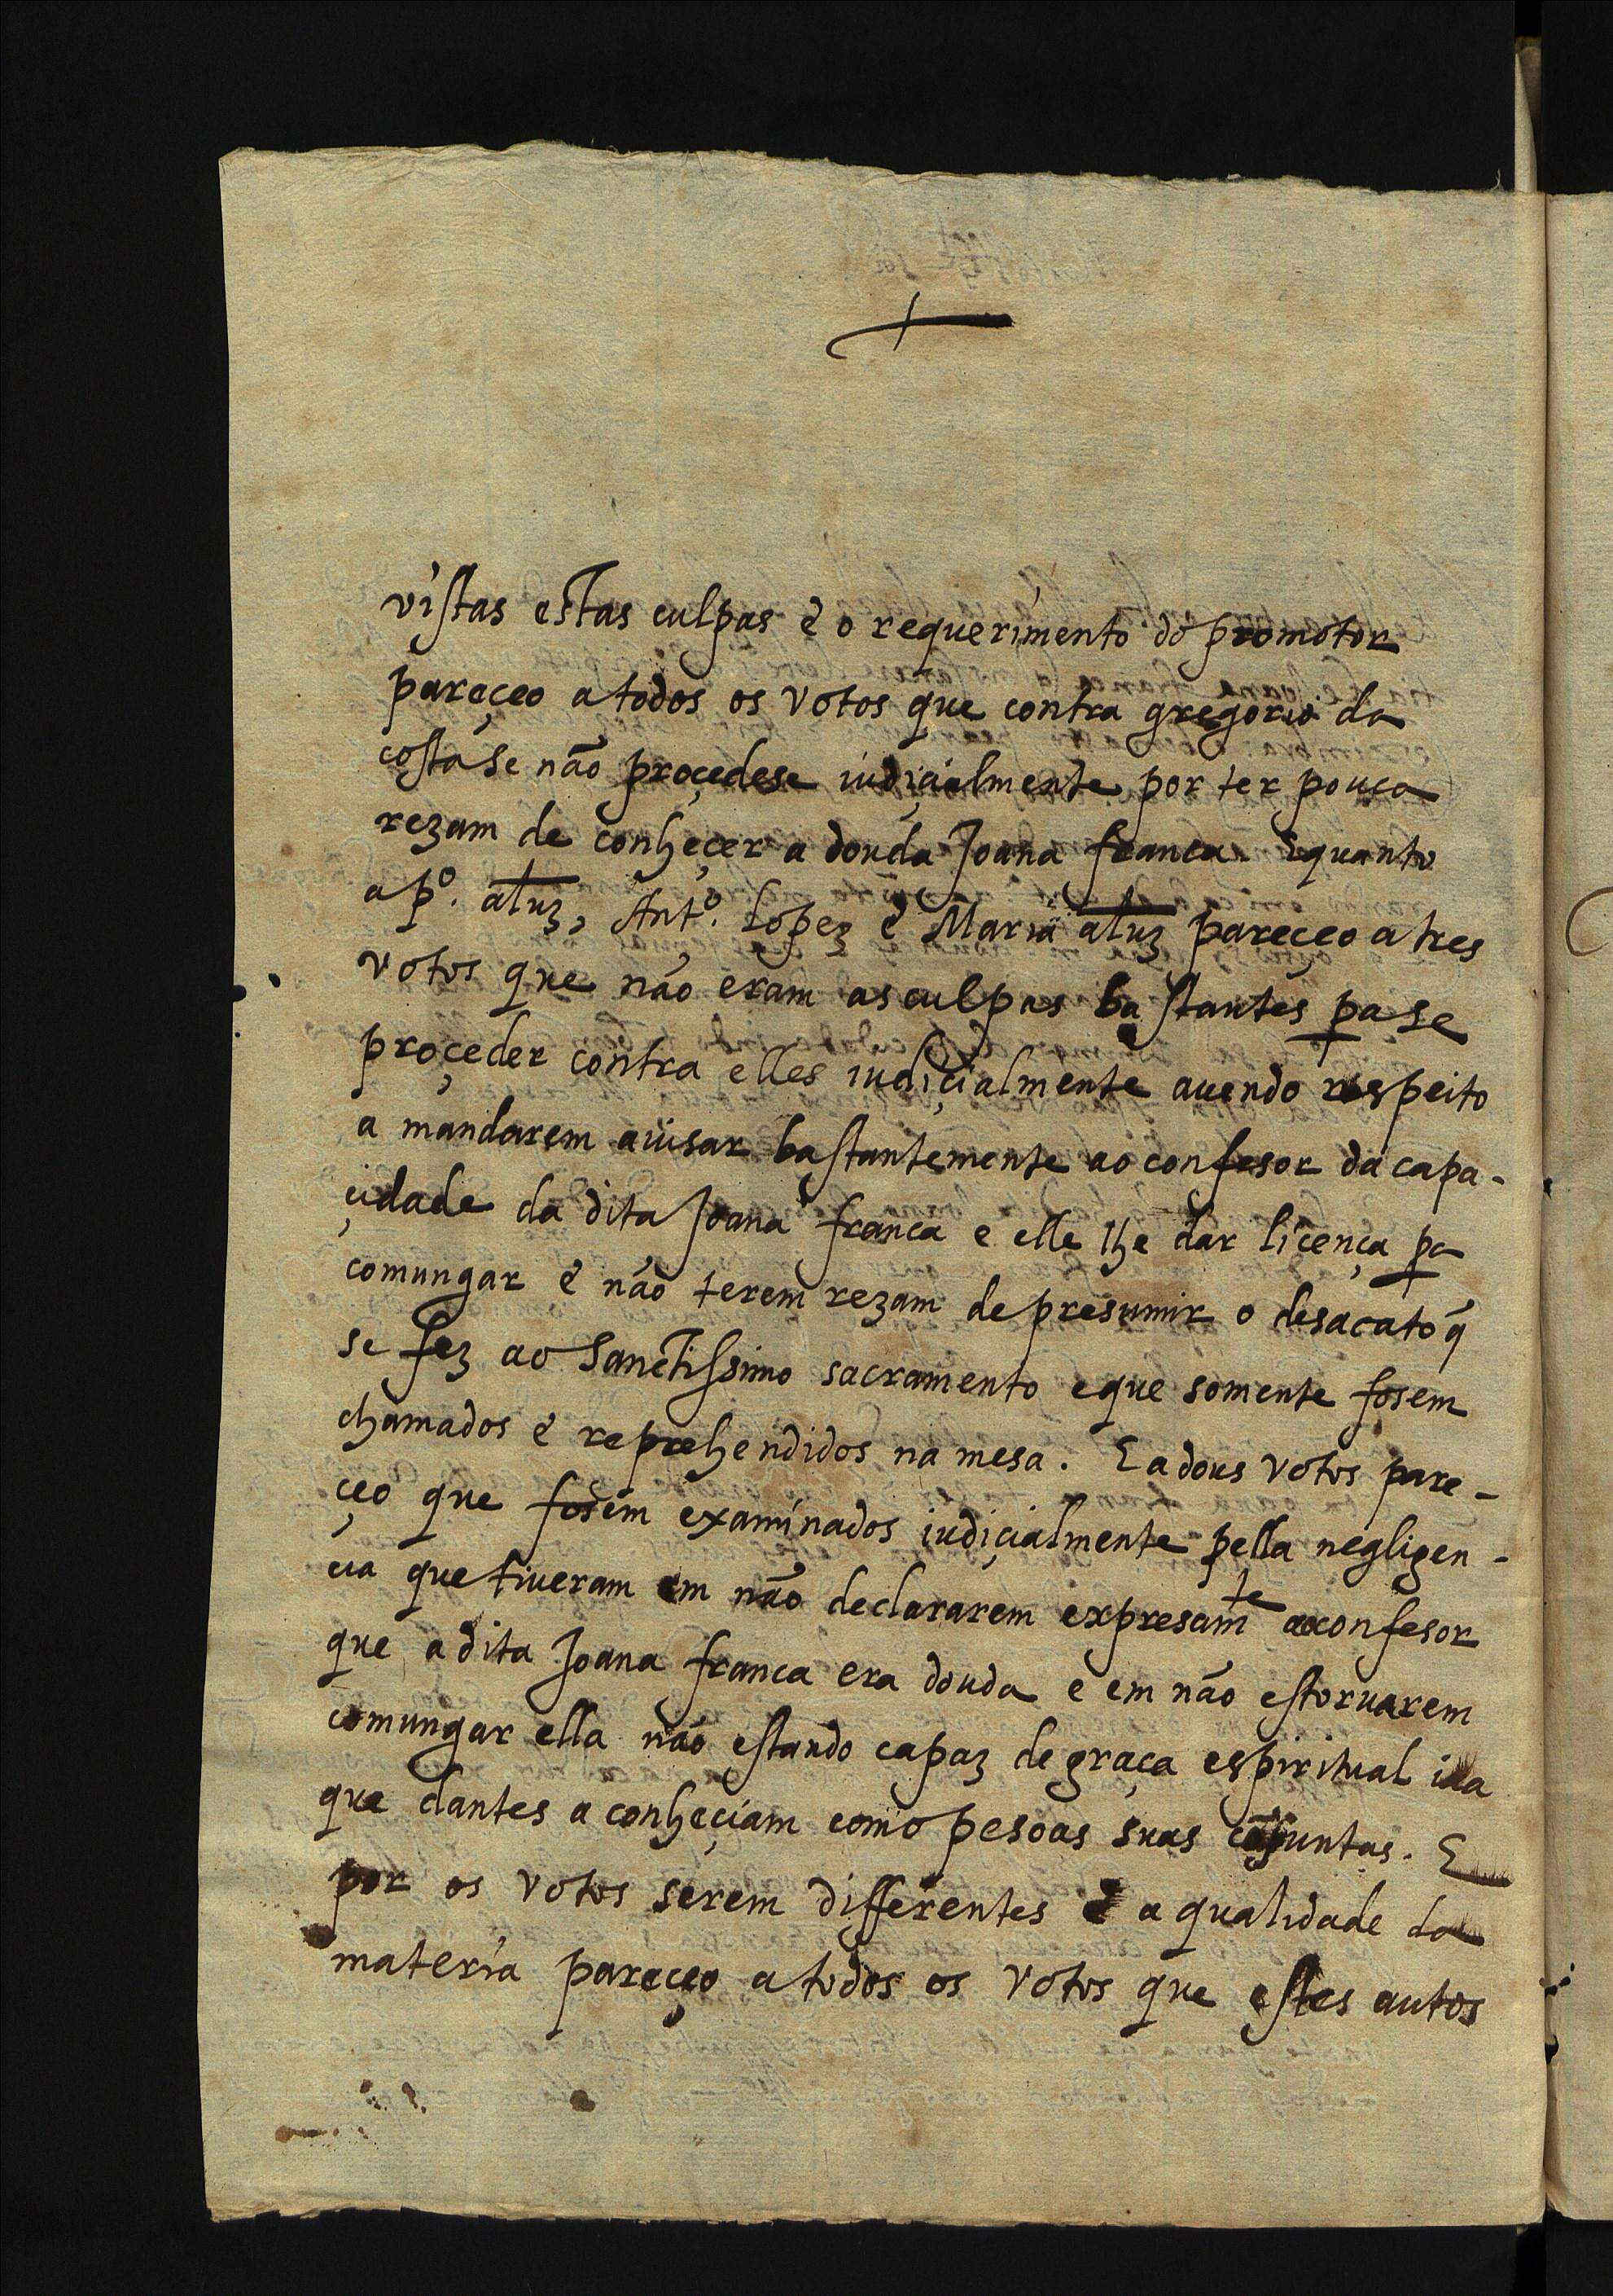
vistas estas culpas e o requerimento do promotor
pareçeo a todos os votos que contra gregorio da
costa se não proçedese iudiçialmente por ter pouca
rezam de conheçer a douda Joana franca E quanto
a po. al̄uz, Anto. Lopez e Maria al̄uz pareçeo a tres
votos que não eram as culpas bastantes ꝑa se
proçeder contra elles iudiçialmente auendo respeito
a mandarem auisar bastantemente ao confesor da capa
çidade da dita Joana franca e elle lhe dar licença ꝑa
comungar e não terem rezam de presumir o desacato q̄
se fez ao Sanctissimo sacramento e que somente fosem
chamados e reprehendidos na mesa. E a dous votos pare
çeo que fosem examinados iudiçialmente pella negligen
cia que tiueram em não declararem expresamte ao confesor
que a dita Joana franca era douda e em não estoruarem
comungar ella não estando capaz de graça espiritual i_a
que dantes a conheçiam como pesoas suas cōjuntas. E
por os votos serem differentes e a qualidade da
materia pareçeo a todos os votos que estes autos
